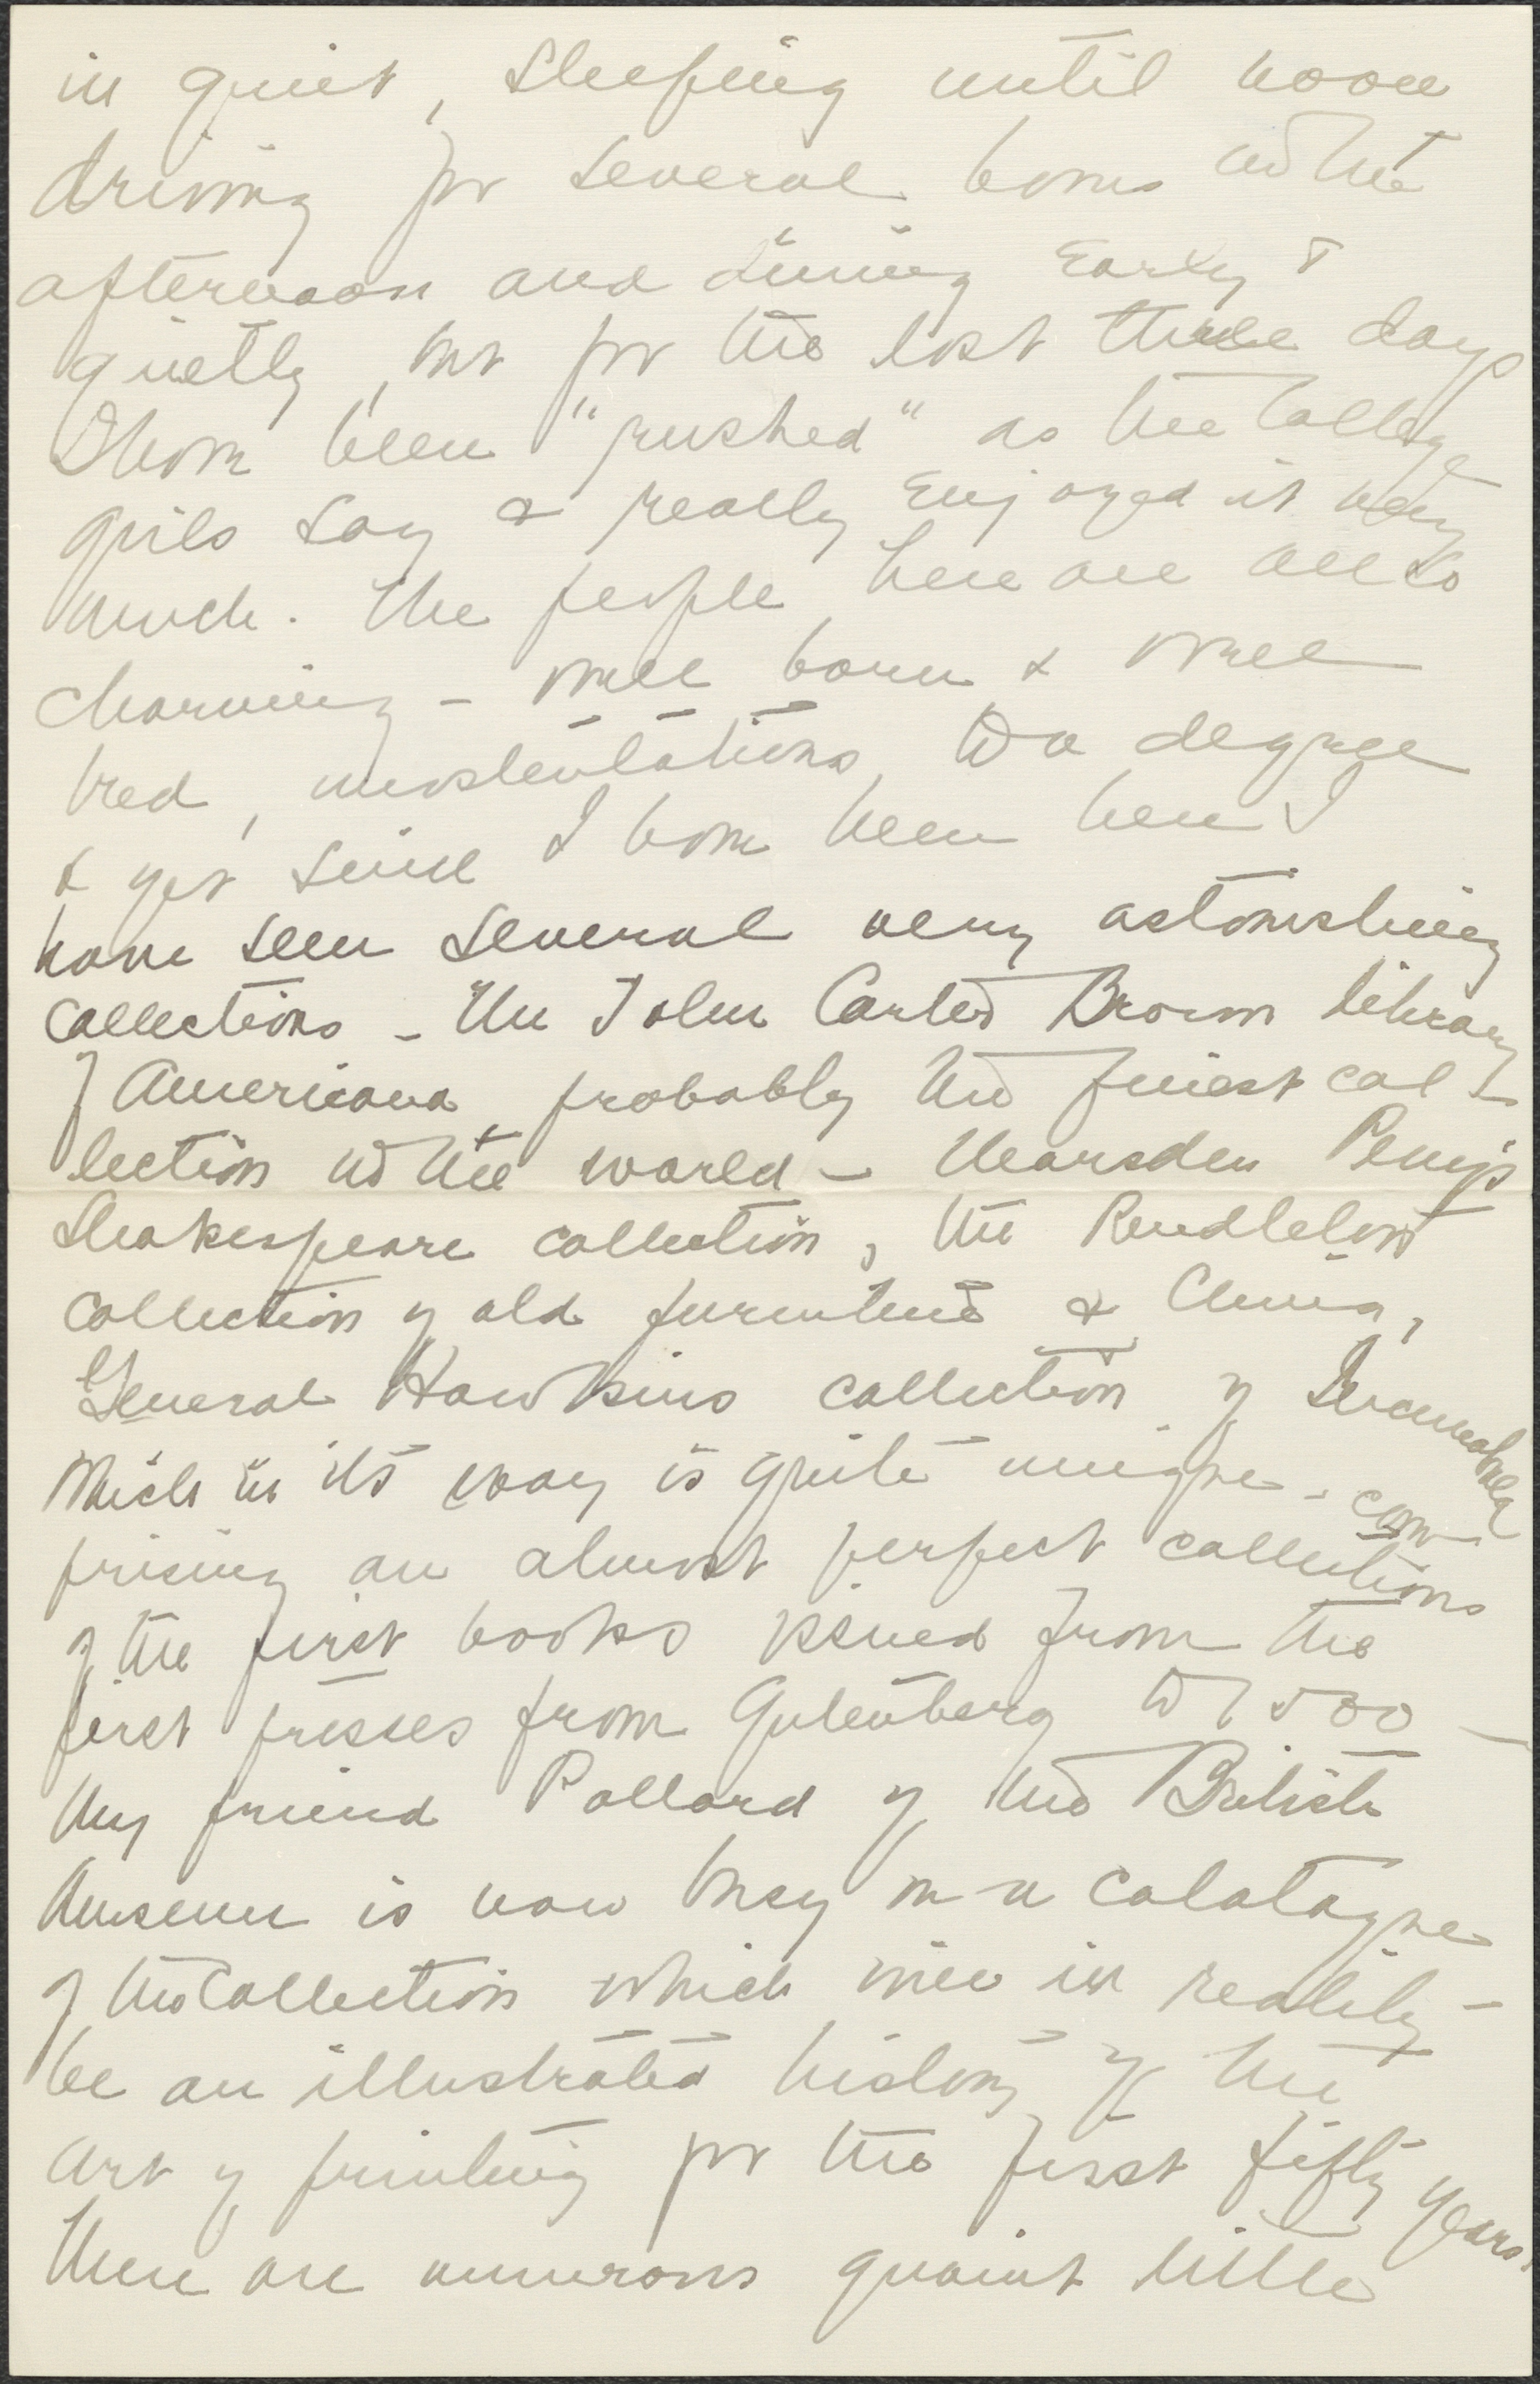in quiet, sleeping until noon driving for several hours in the afternoon and dining early & quietly, but for the last three days I have been “rushed” as the college girls say & really enjoyed it very much. The people here are all so charming – well born & well bred, unostentatious to a degree & yet since I have been here I have seen several very astonishing collections – The John Carter Brown library of Americana probably the finest collection in the world – Marsden Perry’s Shakespeare collection, the Pendleton collection of old furniture & China, General Hawkins collection of Incunabula which in its way is quite unique – comprising an almost perfect collections [sic] of the first books issued from the first presses from Gutenberg to 1500 – my friend Pollard of the British Museum is now busy on a catalogue of the collection which will in reality be an illustrated history of the art of printing for the first fifty years.
There are numerous quaint little